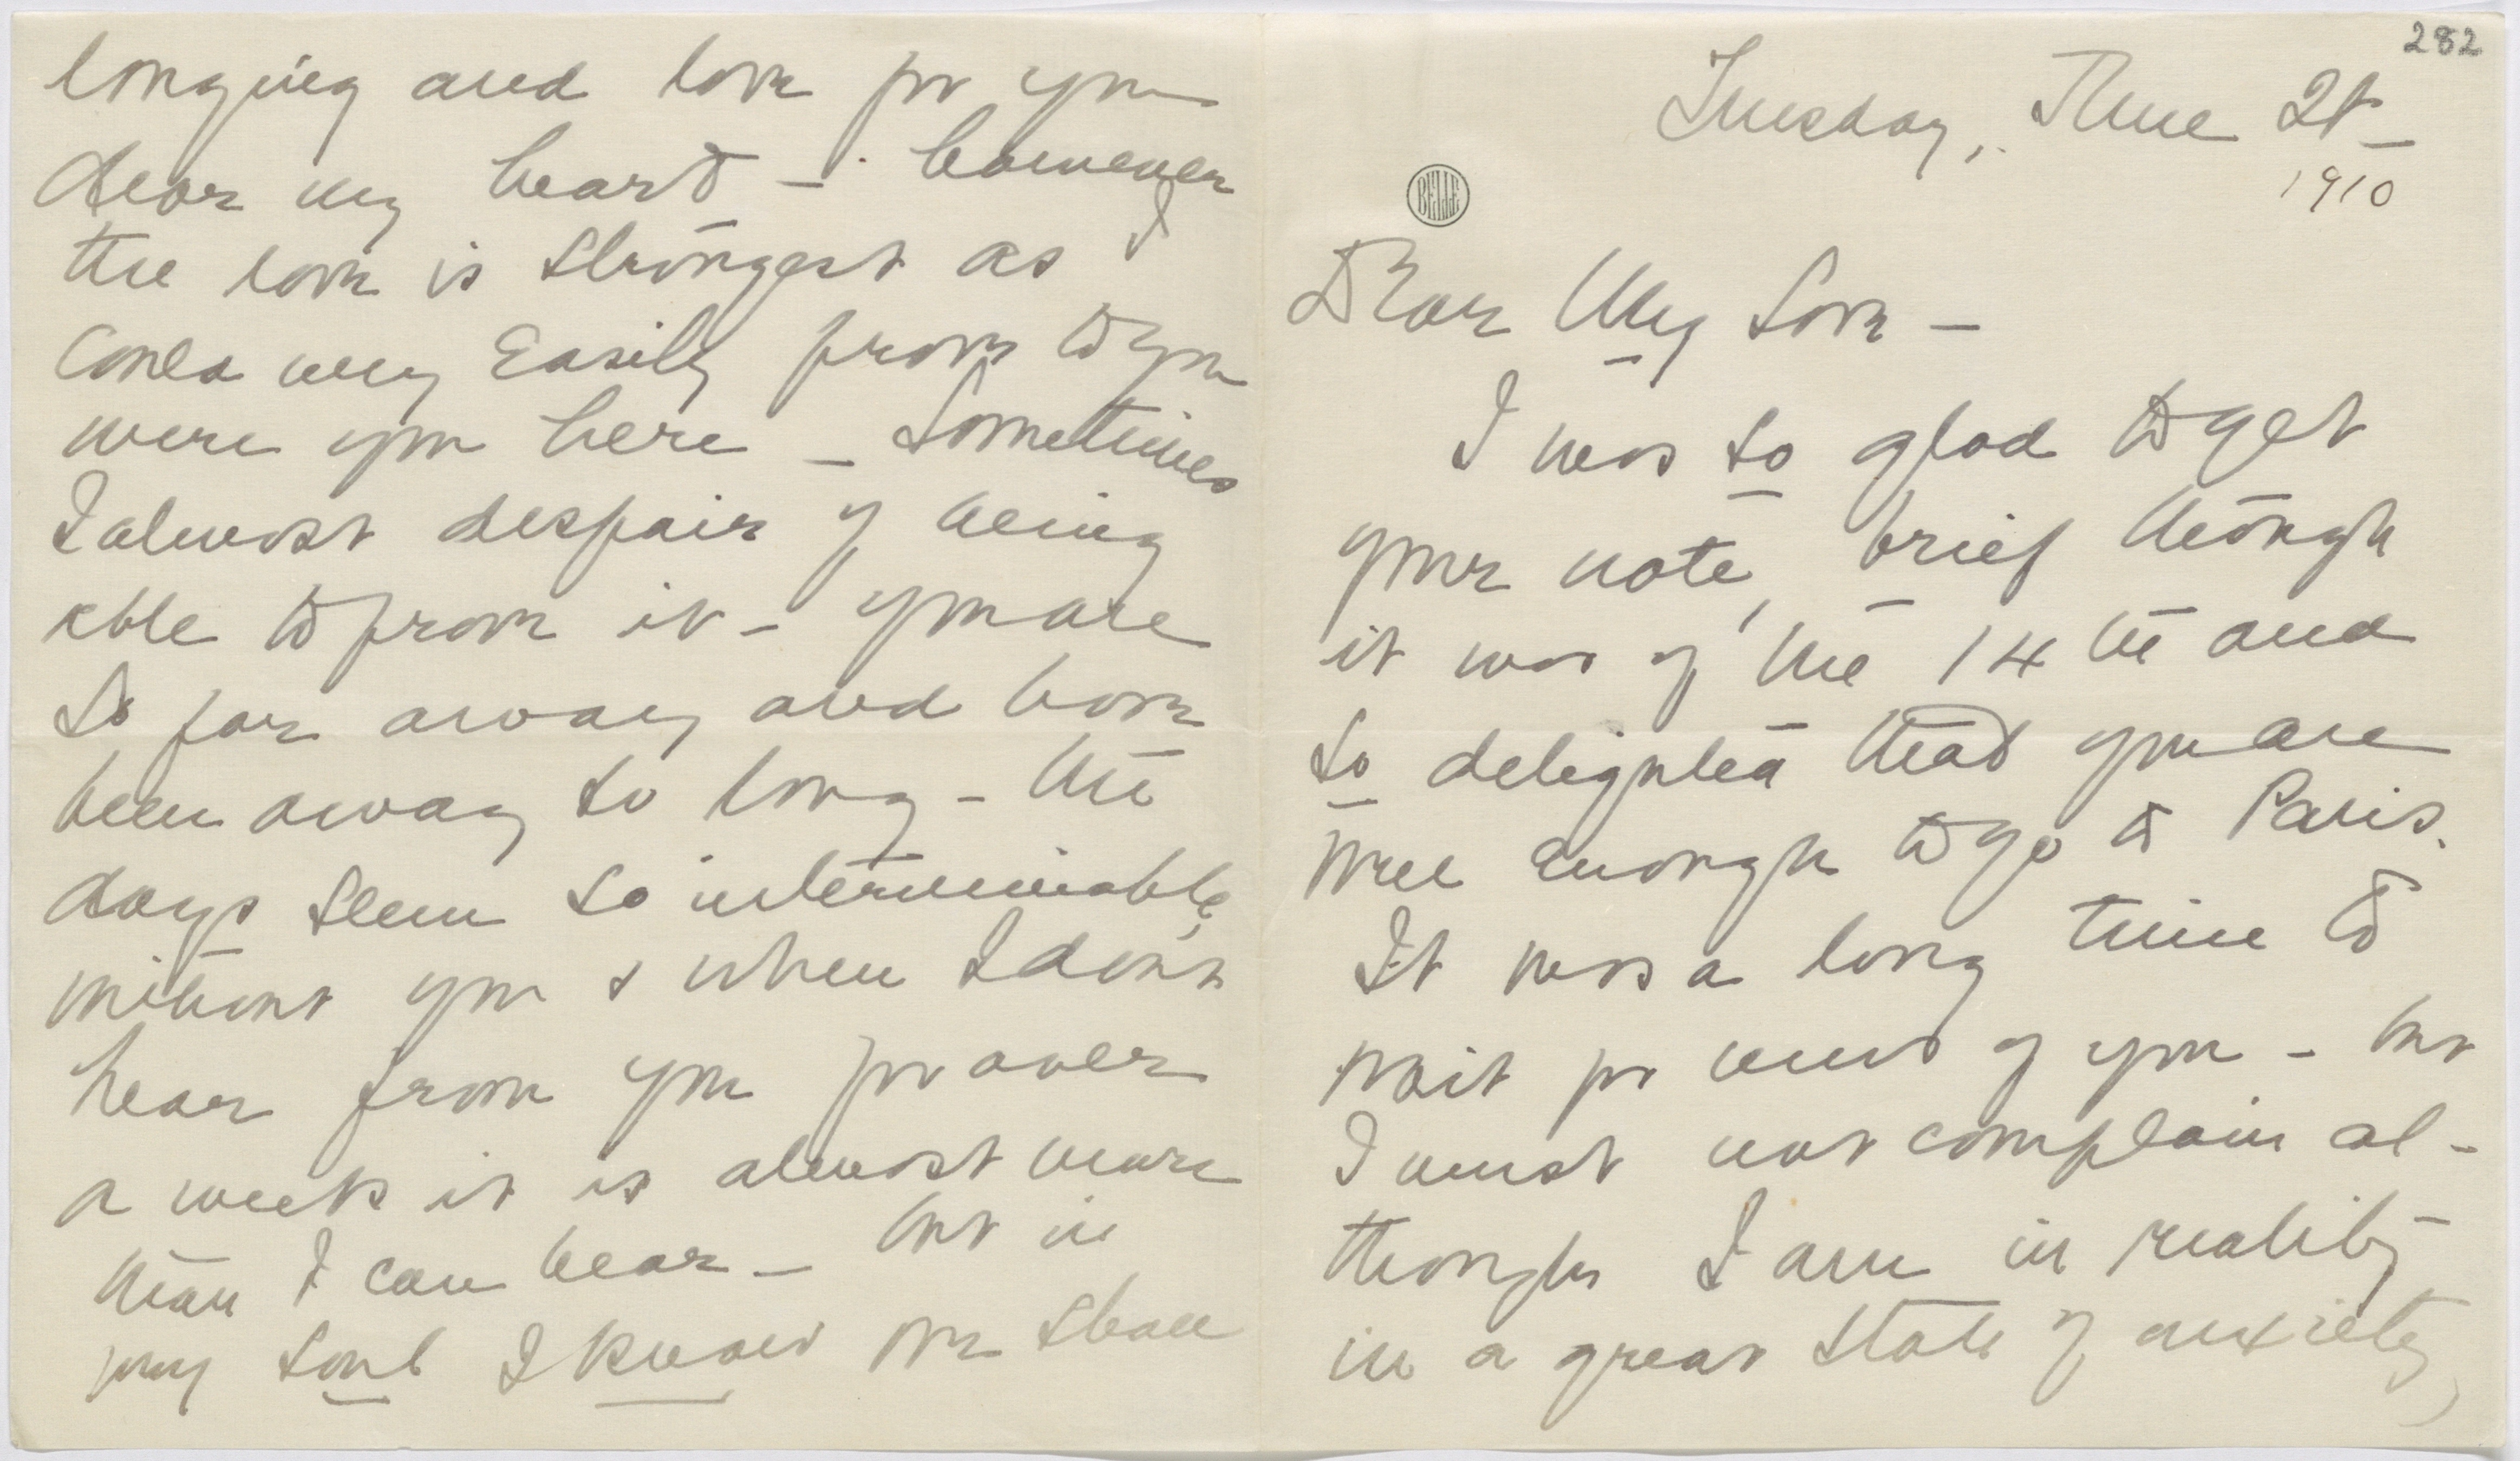Tuesday, June 21 –
Dear My Love –
I was so glad to get your note, brief though it was of the 14th and so delighted that you are well enough to go to Paris. It was a long time to wait for news of you – but I must not complain although I am in reality in a great state of anxiety,
longing and love for you dear my heart – however the love is strongest as I could very easily prove to you were you here – Sometimes I almost despair of being able to prove it – you are so far away and have been away so long – the days seem so interminable without you & when I don’t hear from you for over a week it is almost more than I can bear – but in my soul I know we shall